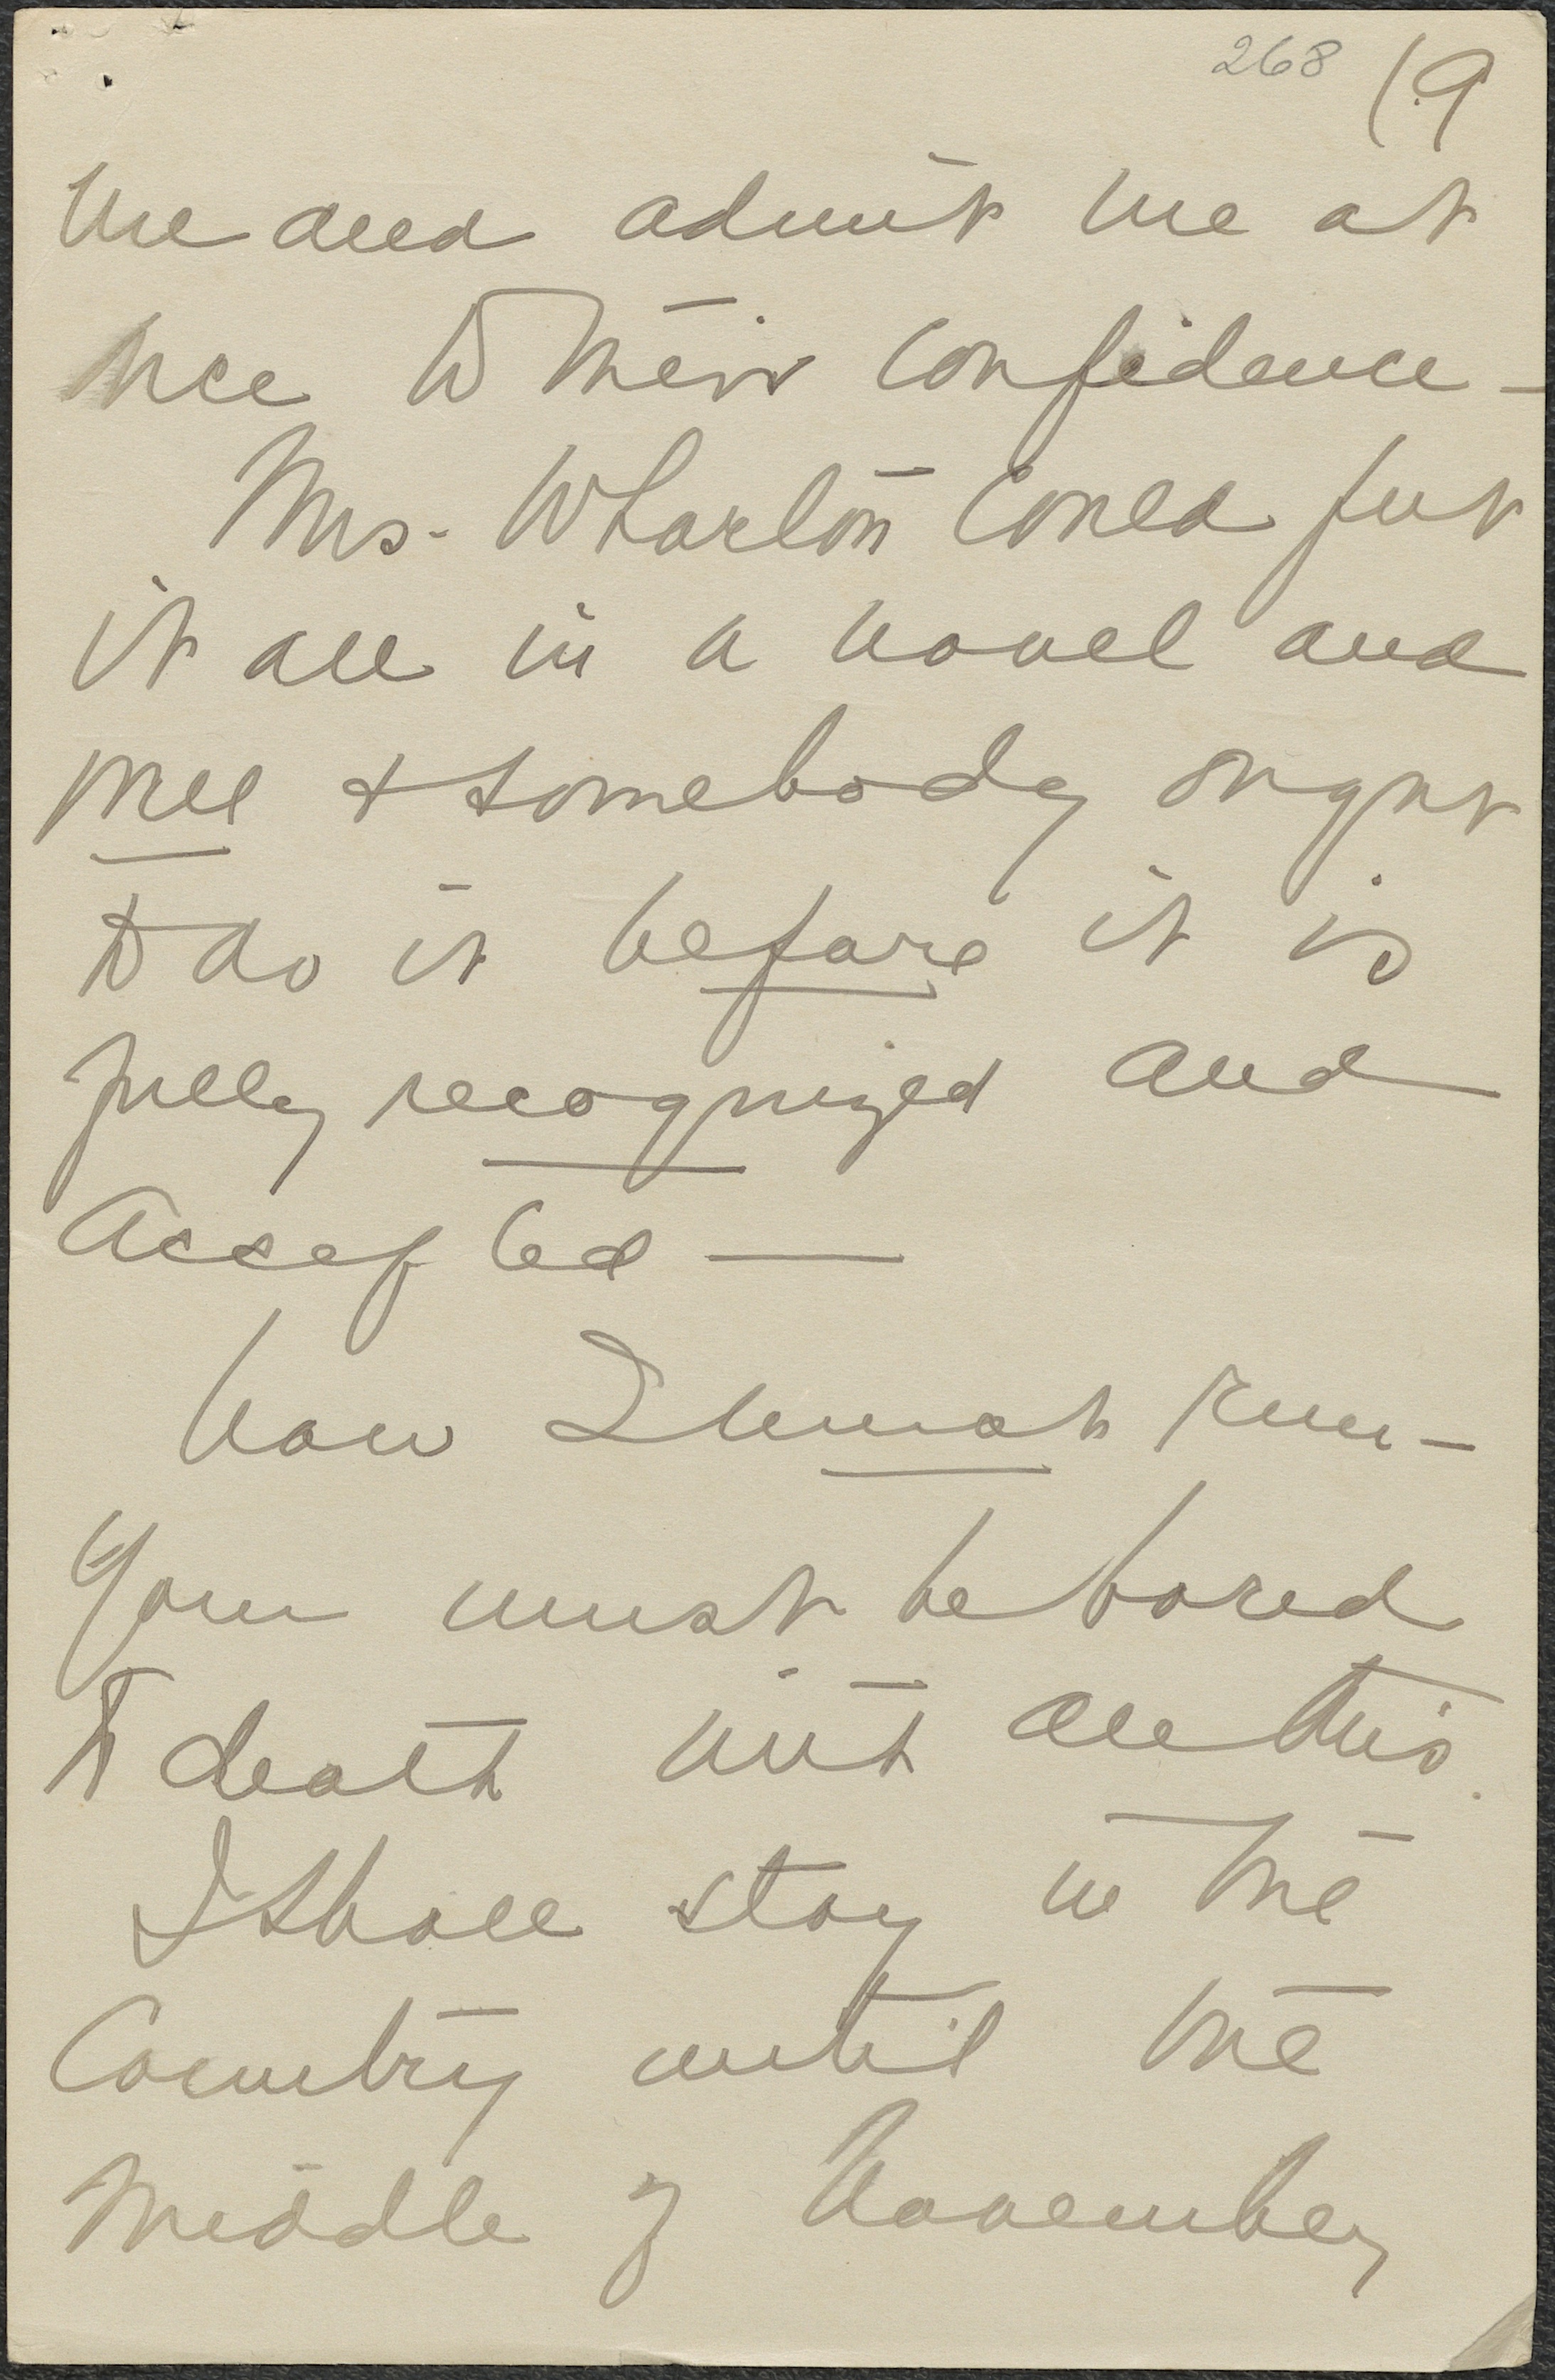(9
me and admit me at once to their confidence –
Mrs. Wharton could put it all in a novel and well & somebody ought to do it before it is fully recognized and accepted –
Now I must run – You must be bored to death with all this.
I shall stay in the country until the middle of November